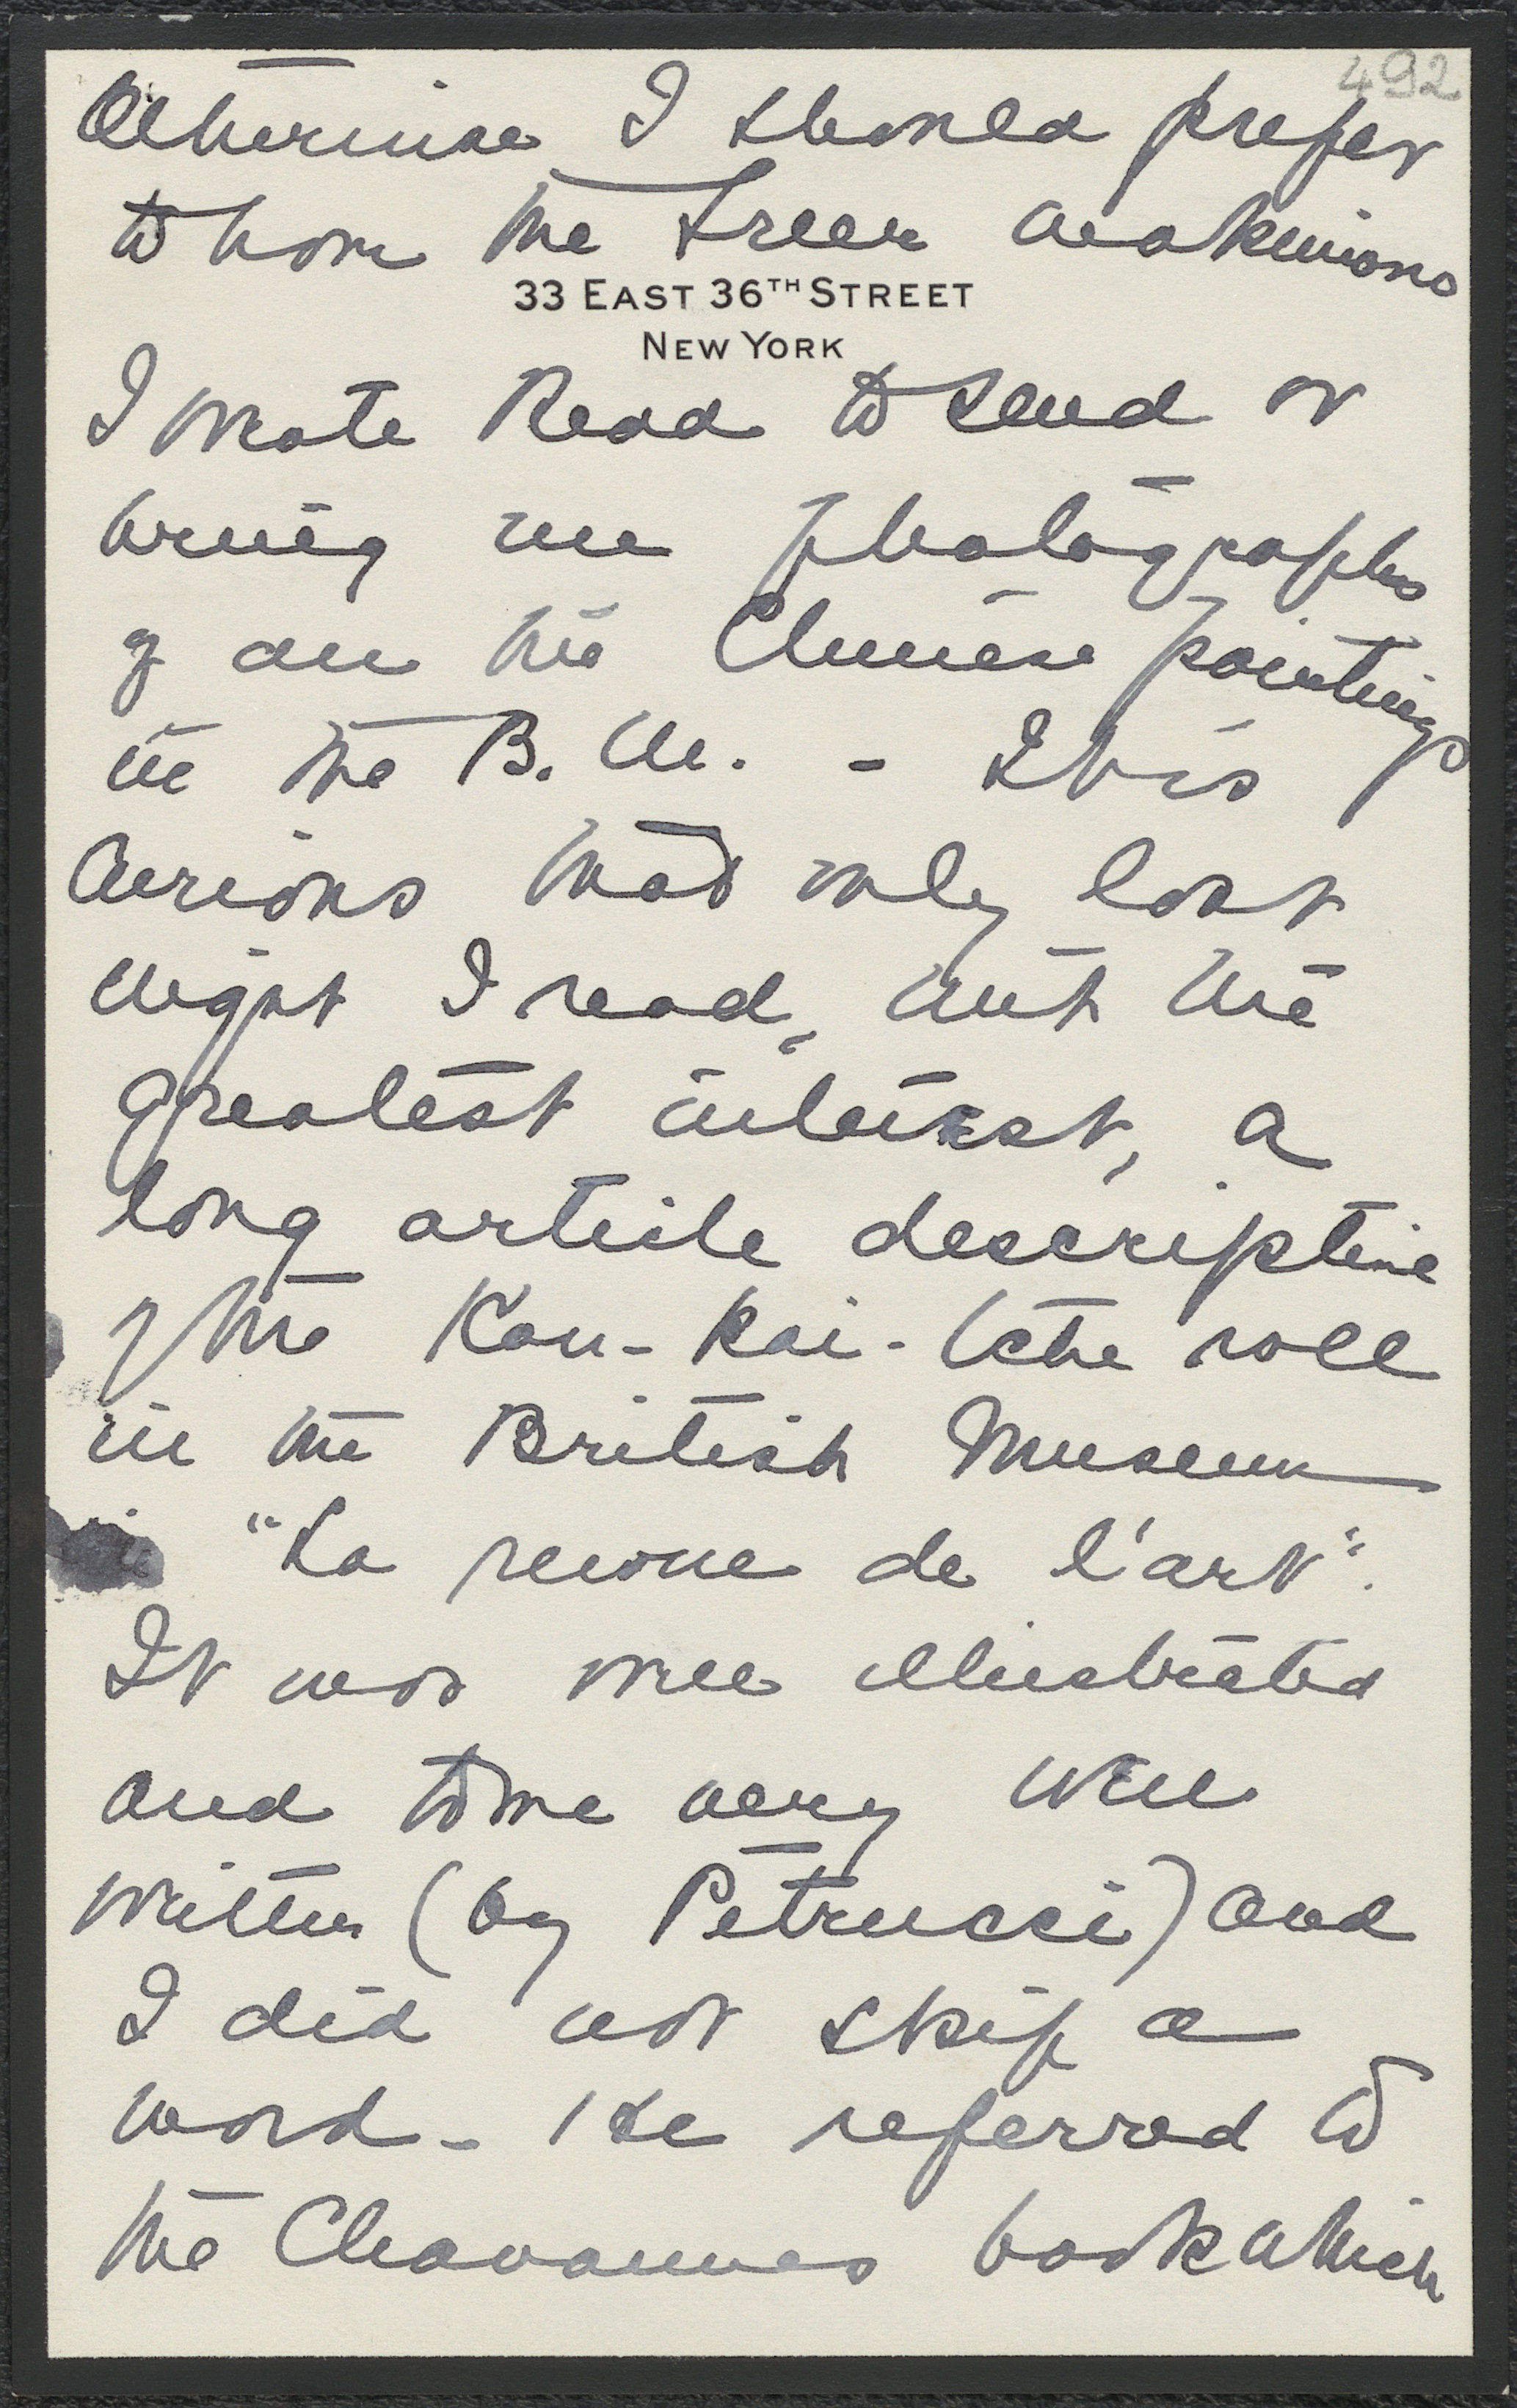Otherwise I should prefer to have the Freer as a kimono I wrote Read to send or bring me photographs of all the Chinese paintings in the B.M. – It is curious that only last night I read, with the greatest interest, a long article descriptive of the Kou-kai-tche roll in the British Museum in “La revue de l’art”. It was well illustrated and to me very well written (by Petrucci) and I did not skip a word – He referred to the Chavannes book which